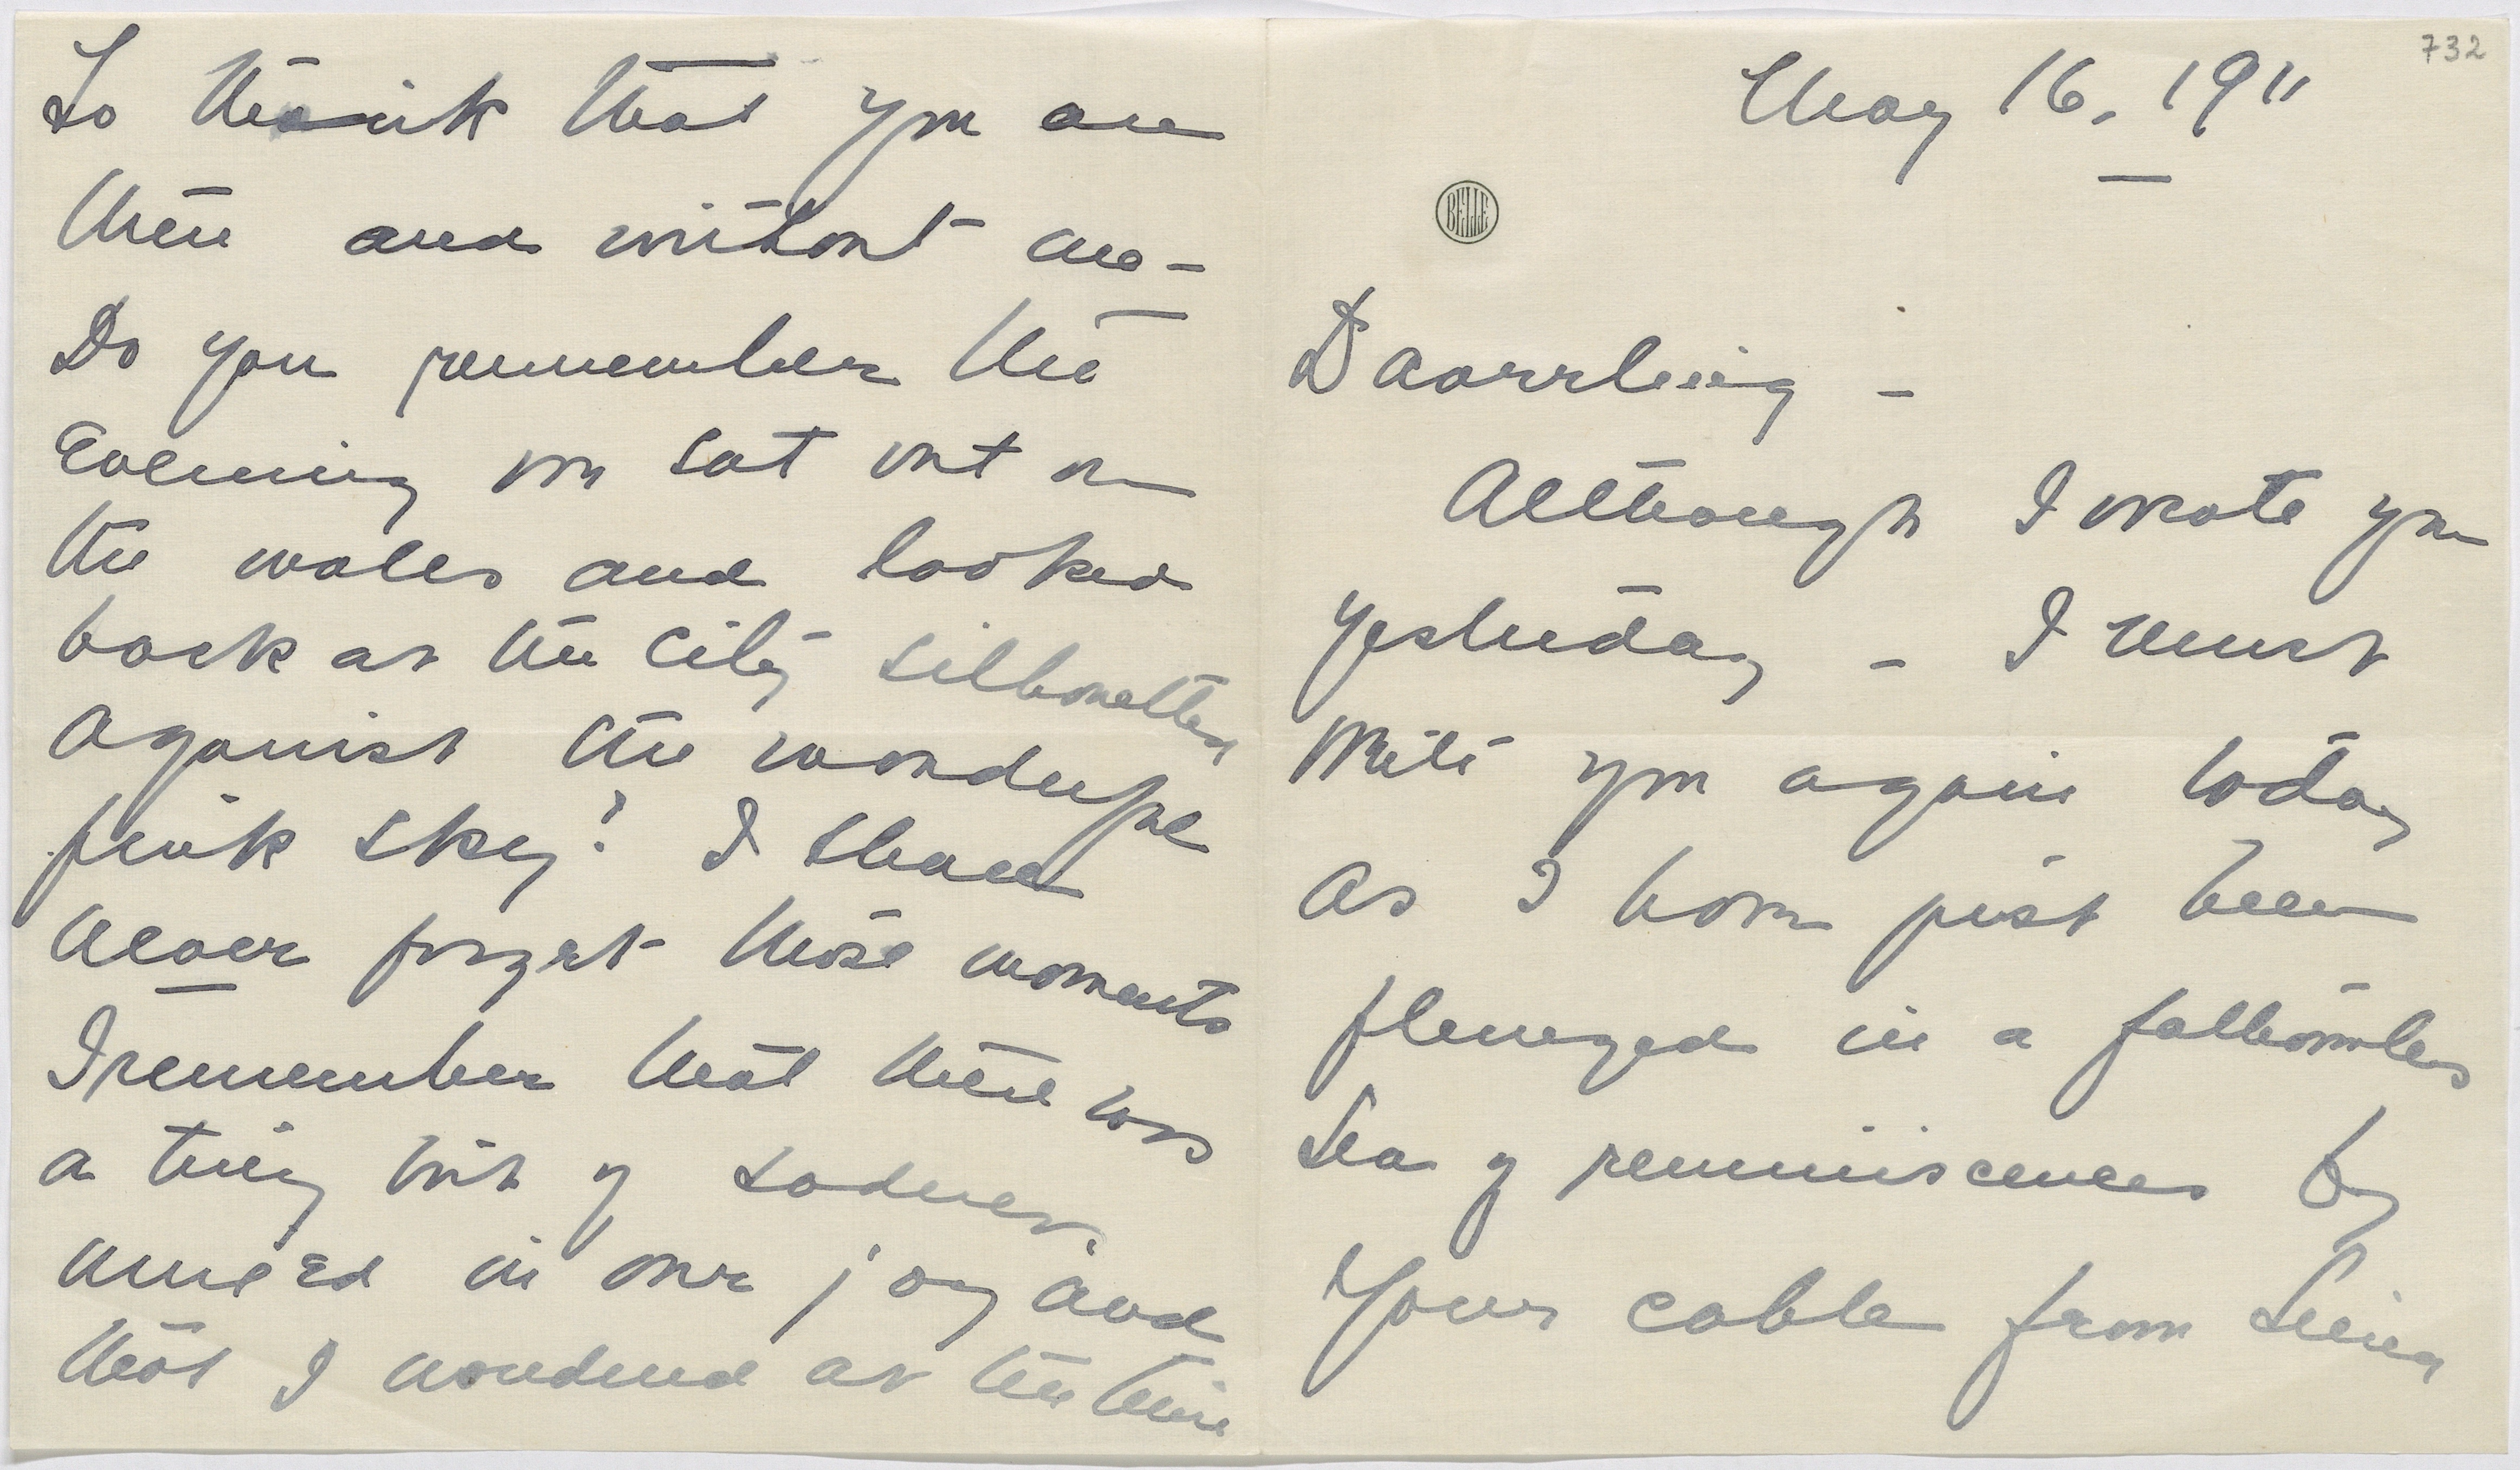May 16, 1911
Daarrling –
Although I wrote you yesterday – I must write you again today as I have just been plunged in a fathomless sea of reminiscences by your cable from Siena
To think that you are there and without me – Do you remember the evening we sat out on the walls and looked back at the city silhouetted against the wonderful pink sky? I shall never forget those moments
I remember that there was a tiny bit of sadness mixed in our joy and that I wondered at the time